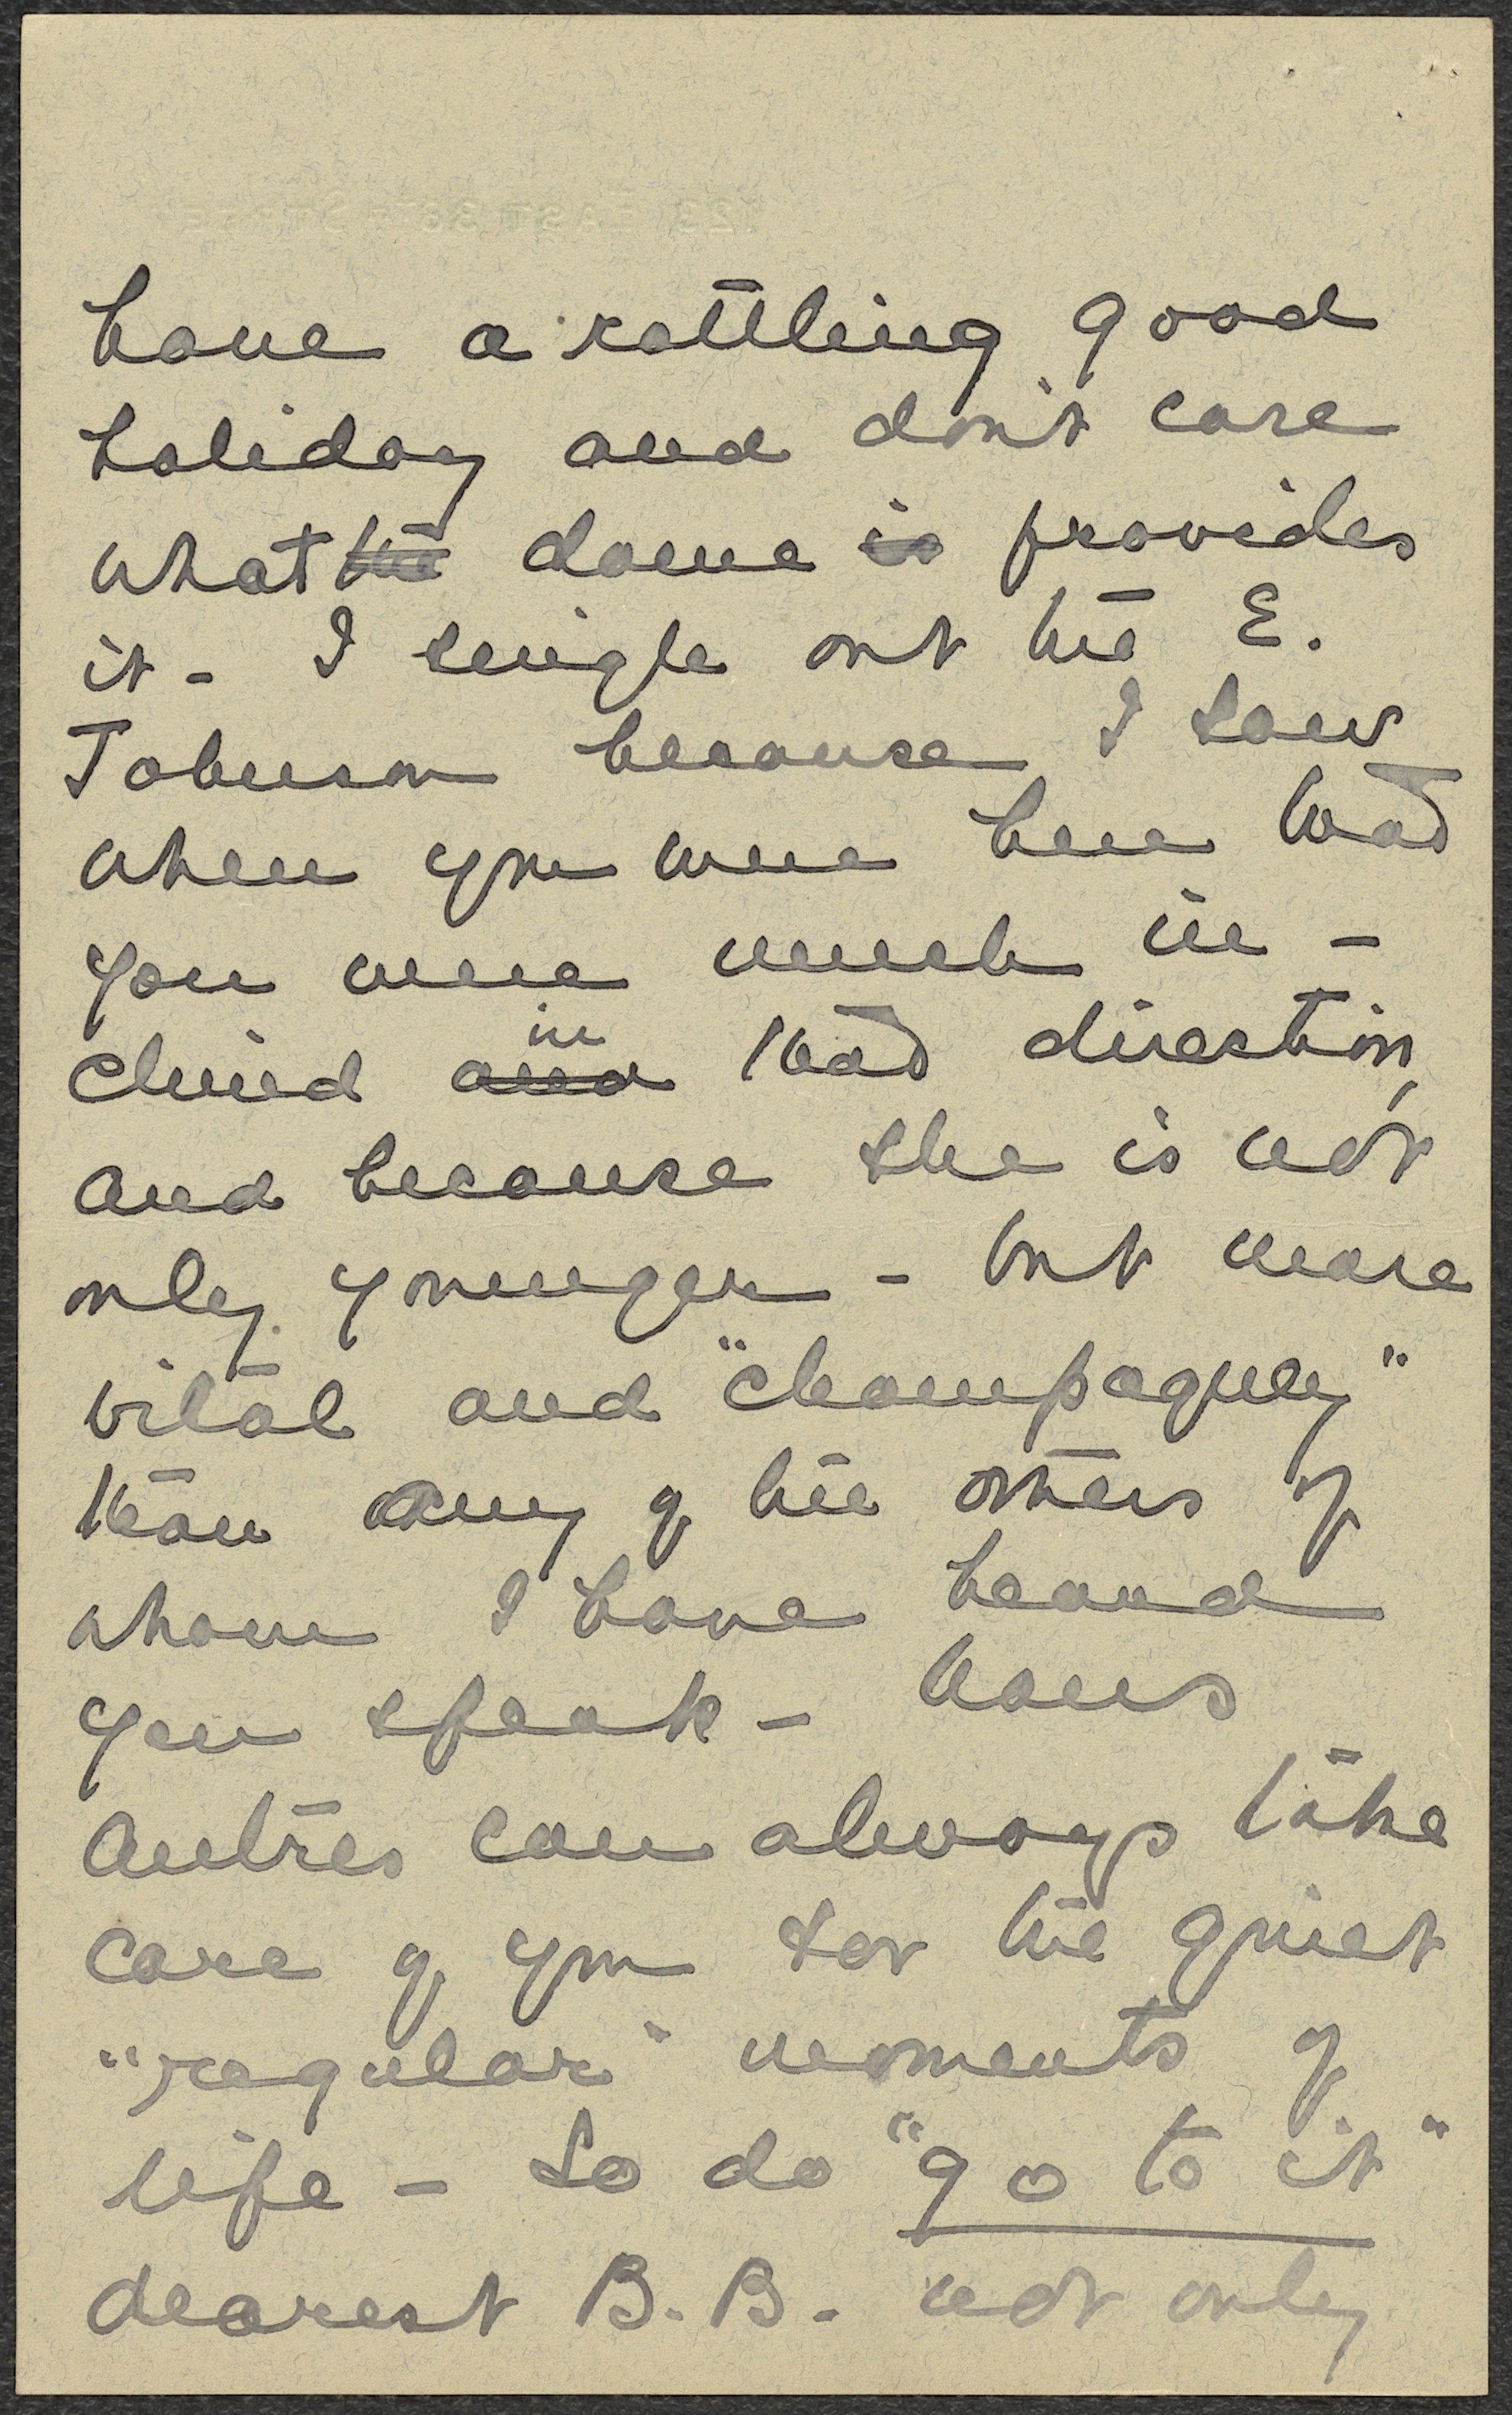have a rattling good holiday and don’t care what the dame is provides it – I single out the E. Johnson because I saw when you were here that you were much inclined and [^in^] that direction and because she is not only younger – but more vital and “champagney” than any of the others of whom I have heard you speak – nous autres can always take care of you for the quiet “regular” moments of life – so do “go to it” dearest B.B. not only